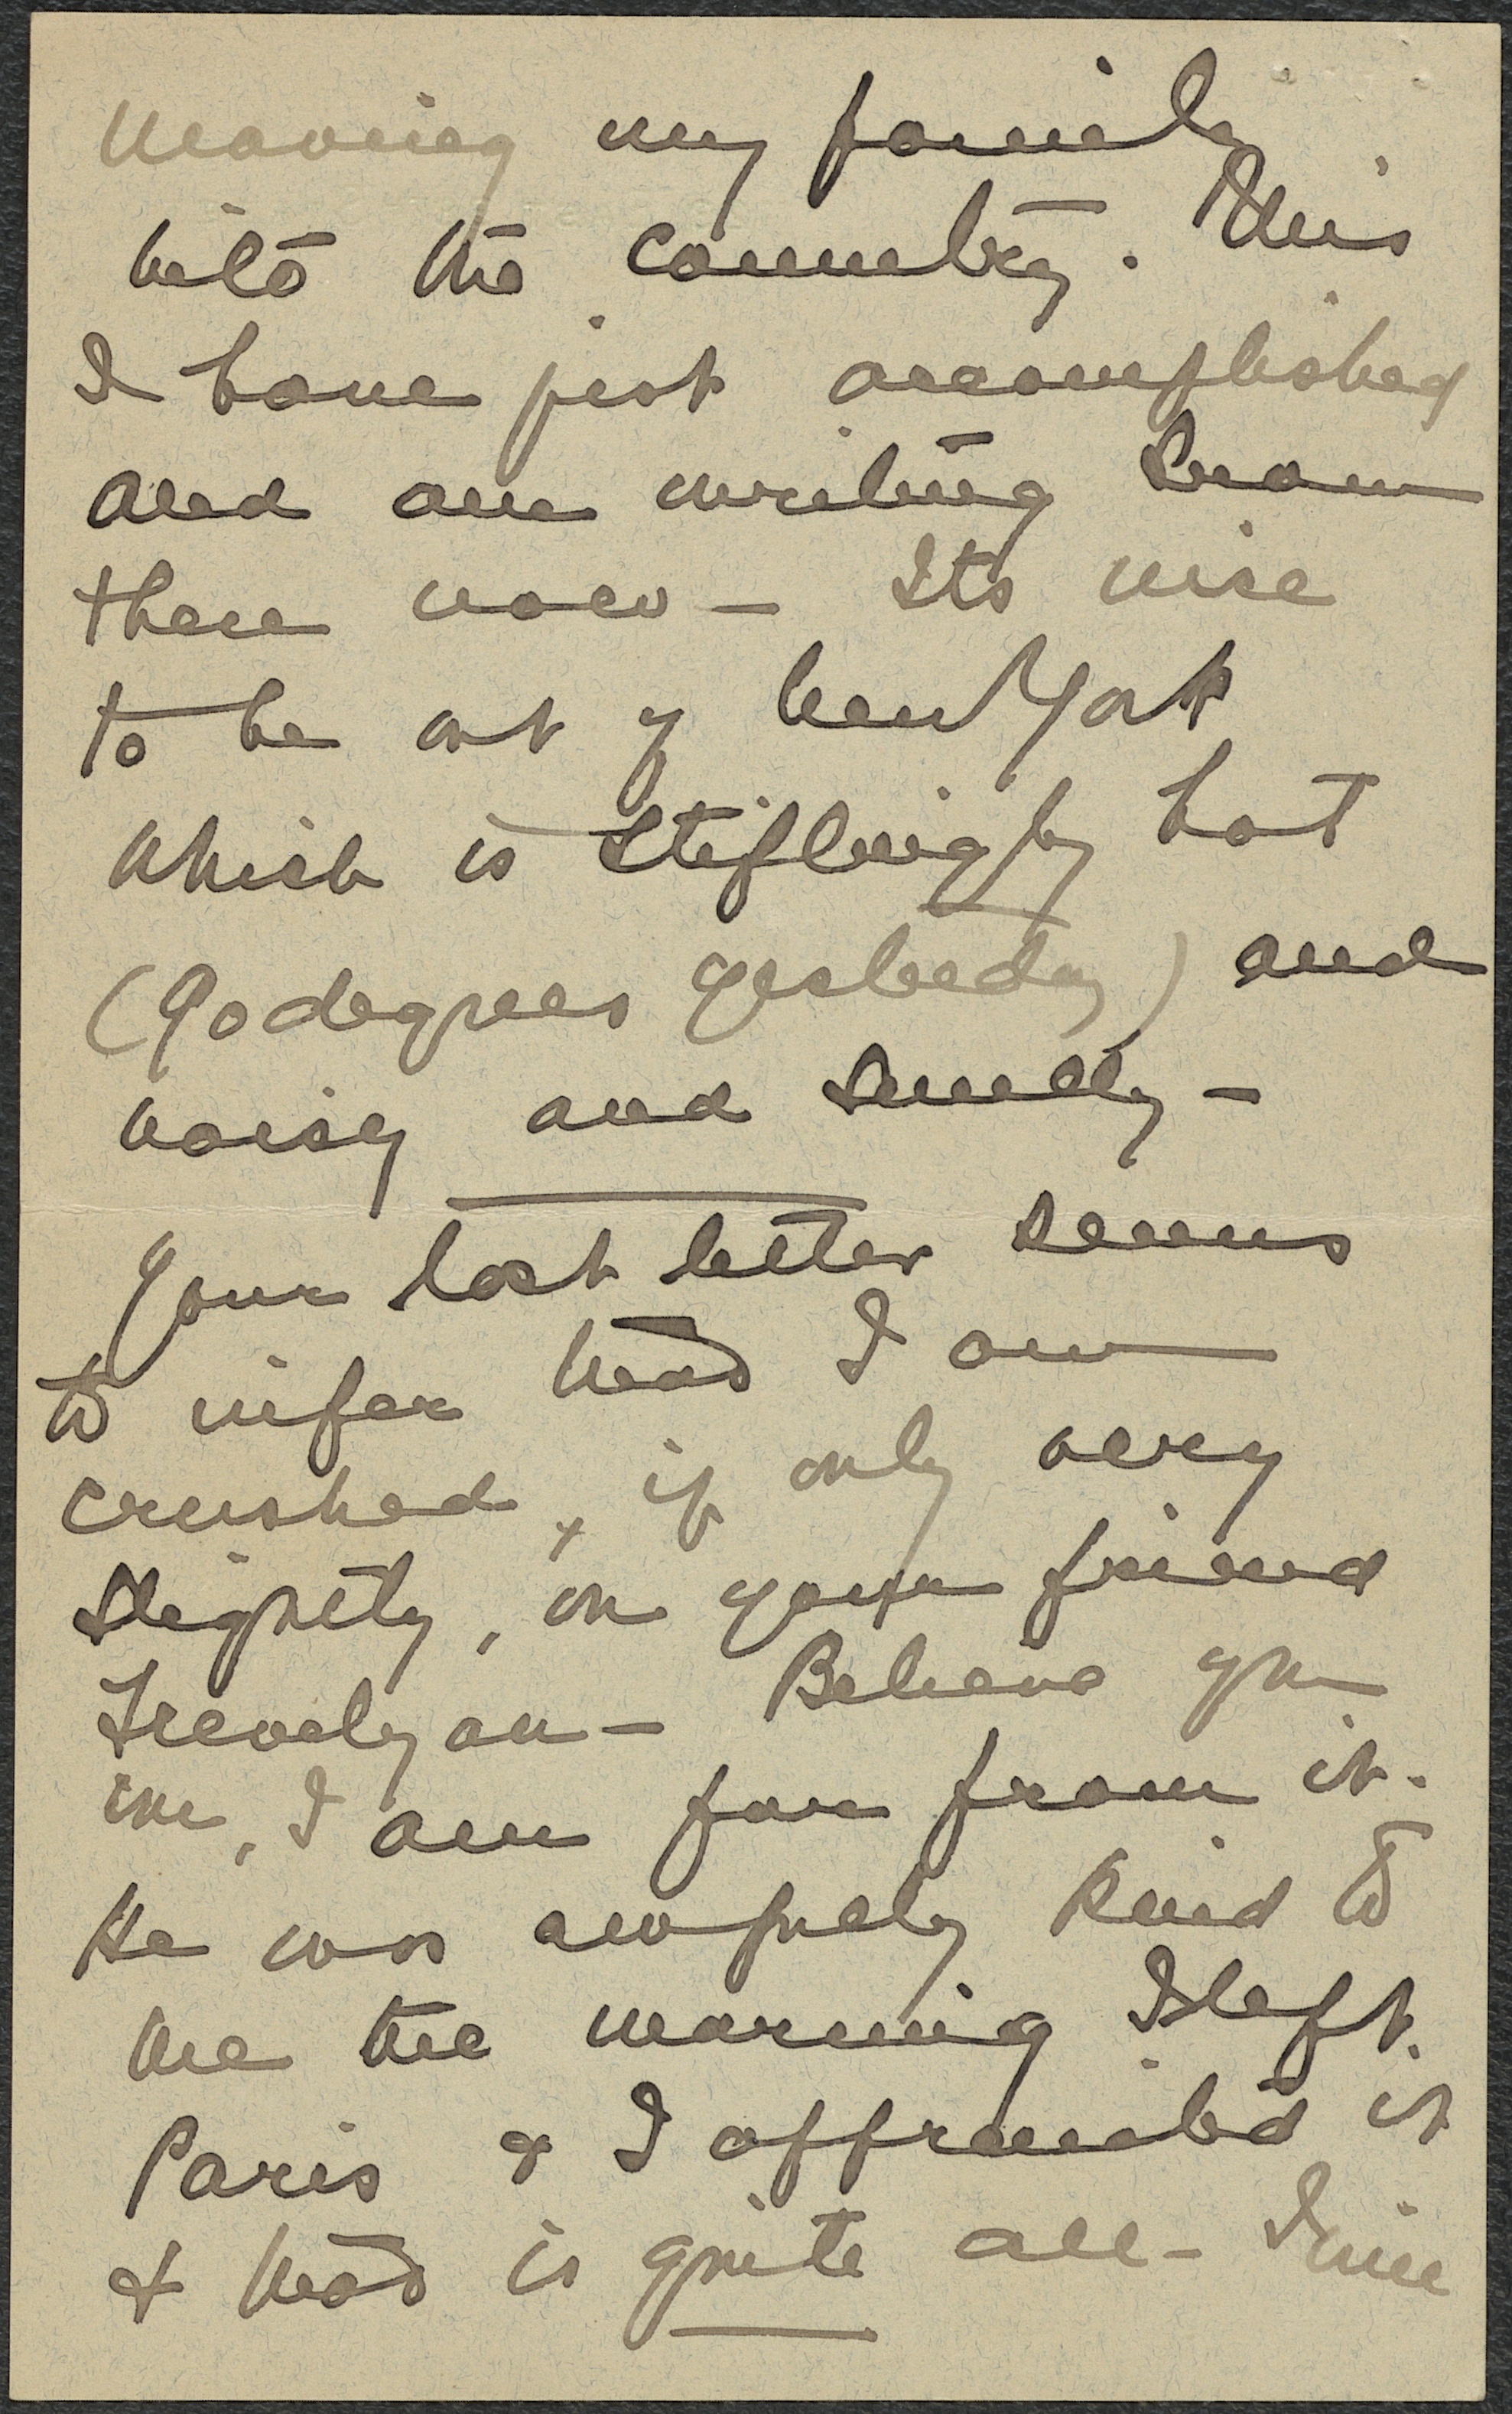moving my family into the country. This I have just accomplished and am writing from there now – Its nice to be out of New York which is stiflingly hot (90 degrees yesterday) and noisy and smelly –
Your last letter seems to infer that I am crushed if only very slightly, on your friend Trevelyan – Believe you me, I am far from it. He was awfully kind to me the morning I left Paris & I appreciated it & that is quite all – I will